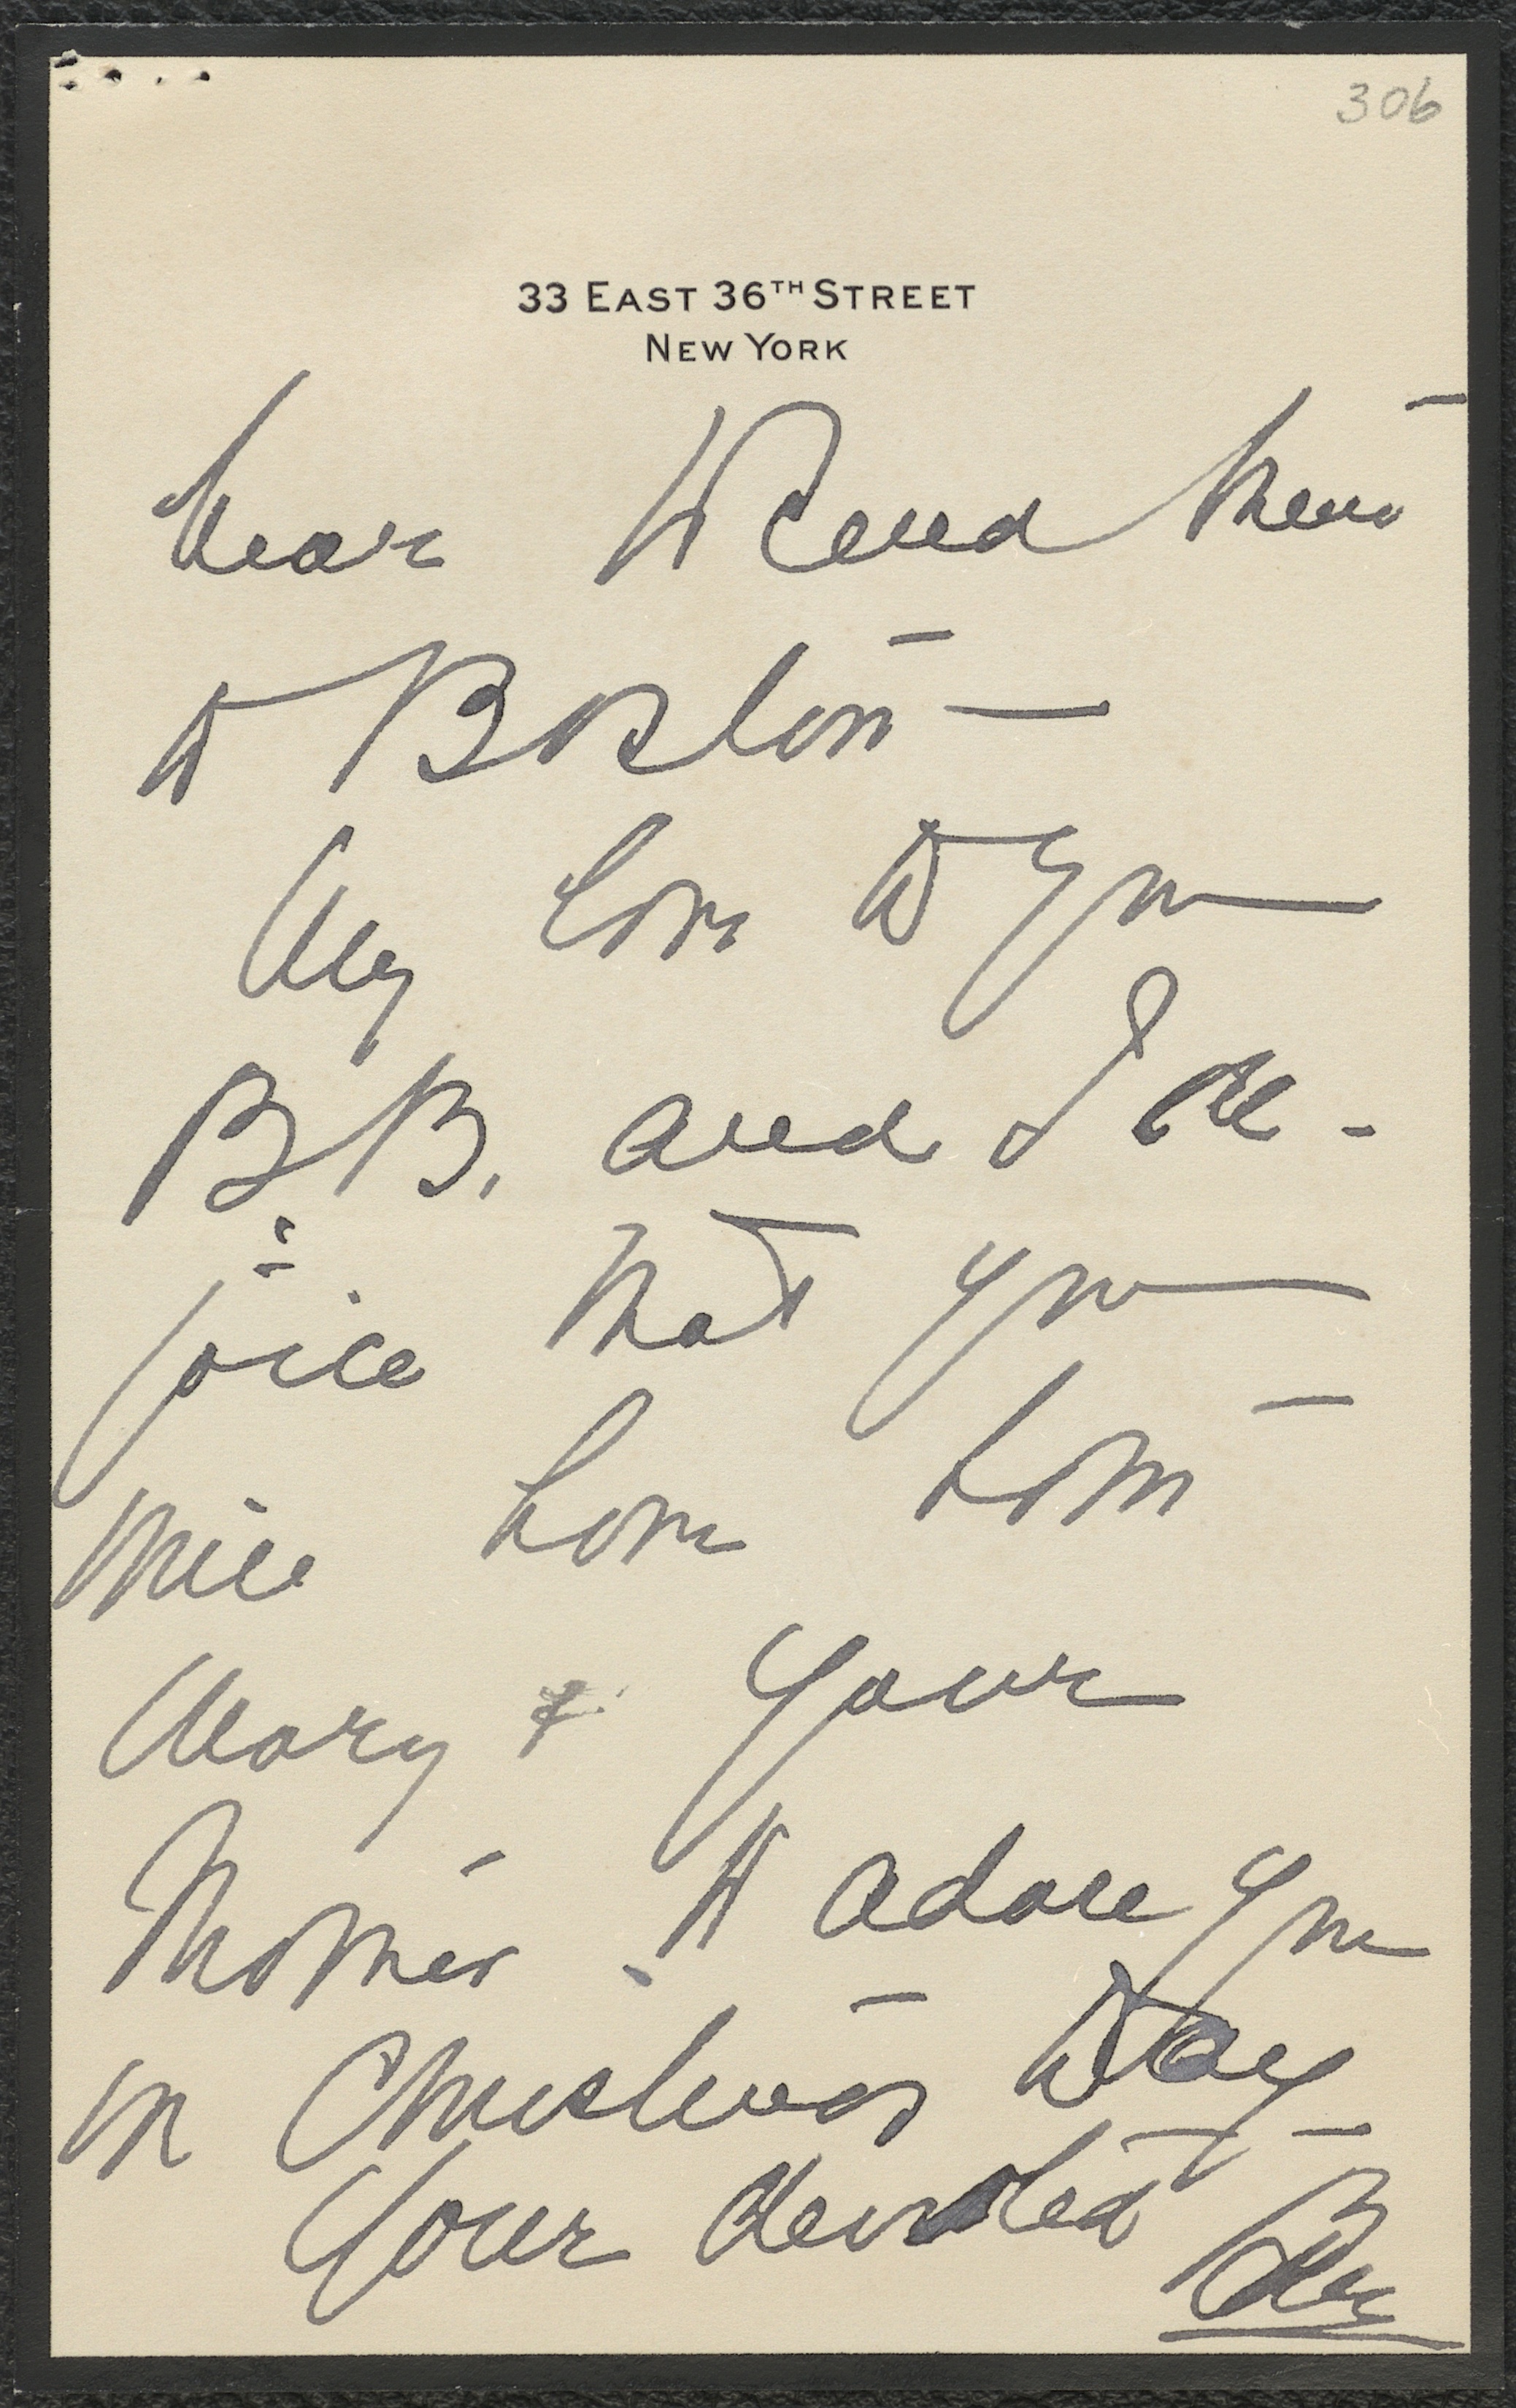bear to send them to Boston –
My love to you B. B. and I rejoice that you will have both Mary & your Mother to adore you on Christmas Day –
Your devoted Belle